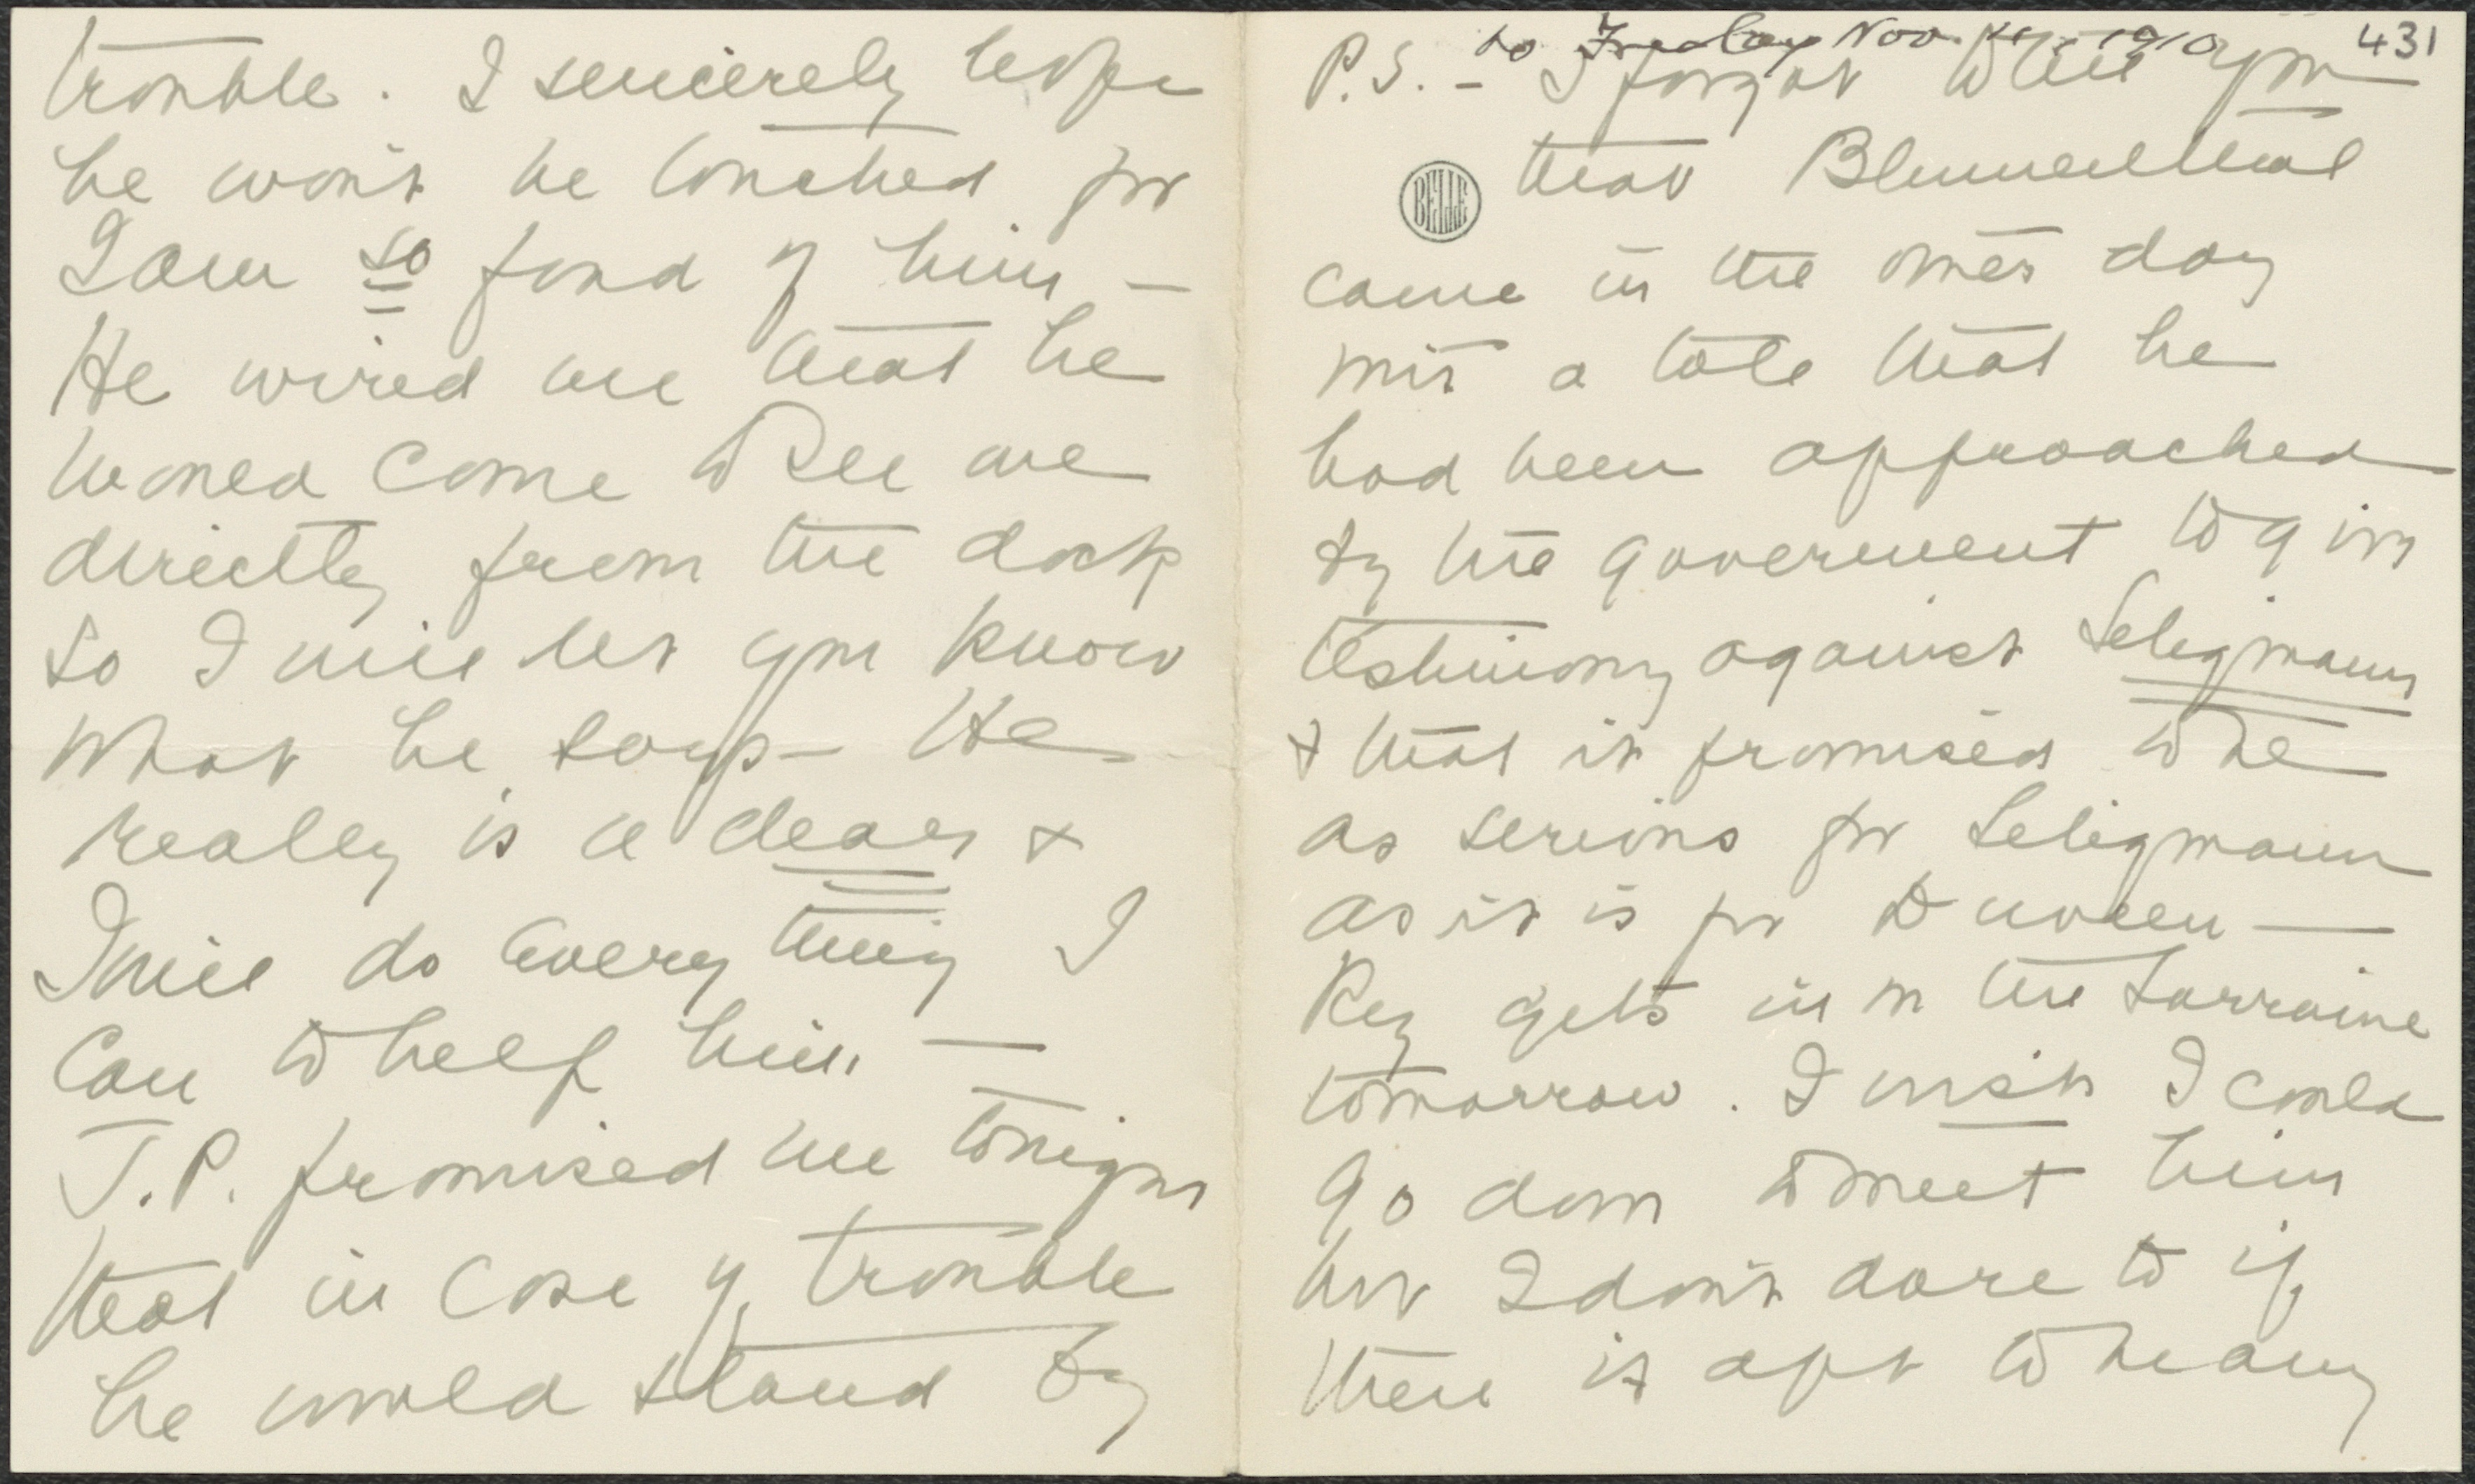P.S. – I forgot to tell you that Blumenthal came in the other day with a tale that he had been approached by the government to give testimony against [double underlined: Seligmann] & that it promises to be as serious for Seligmann as it is for Duveen – Rey gets in on the Lorraine tomorrow. I wish I could go down to meet him but I don’t dare to if there is apt to be any
trouble. I sincerely hope he won’t be touched for I am [double underlined: so] fond of him – he wired me that he would come to see me directly from the dock so I will let you know what he says – he really is a [double underlined: dear] & I will do every thing I can to help him. –
J. P. promised me tonight that in case of trouble he would stand by